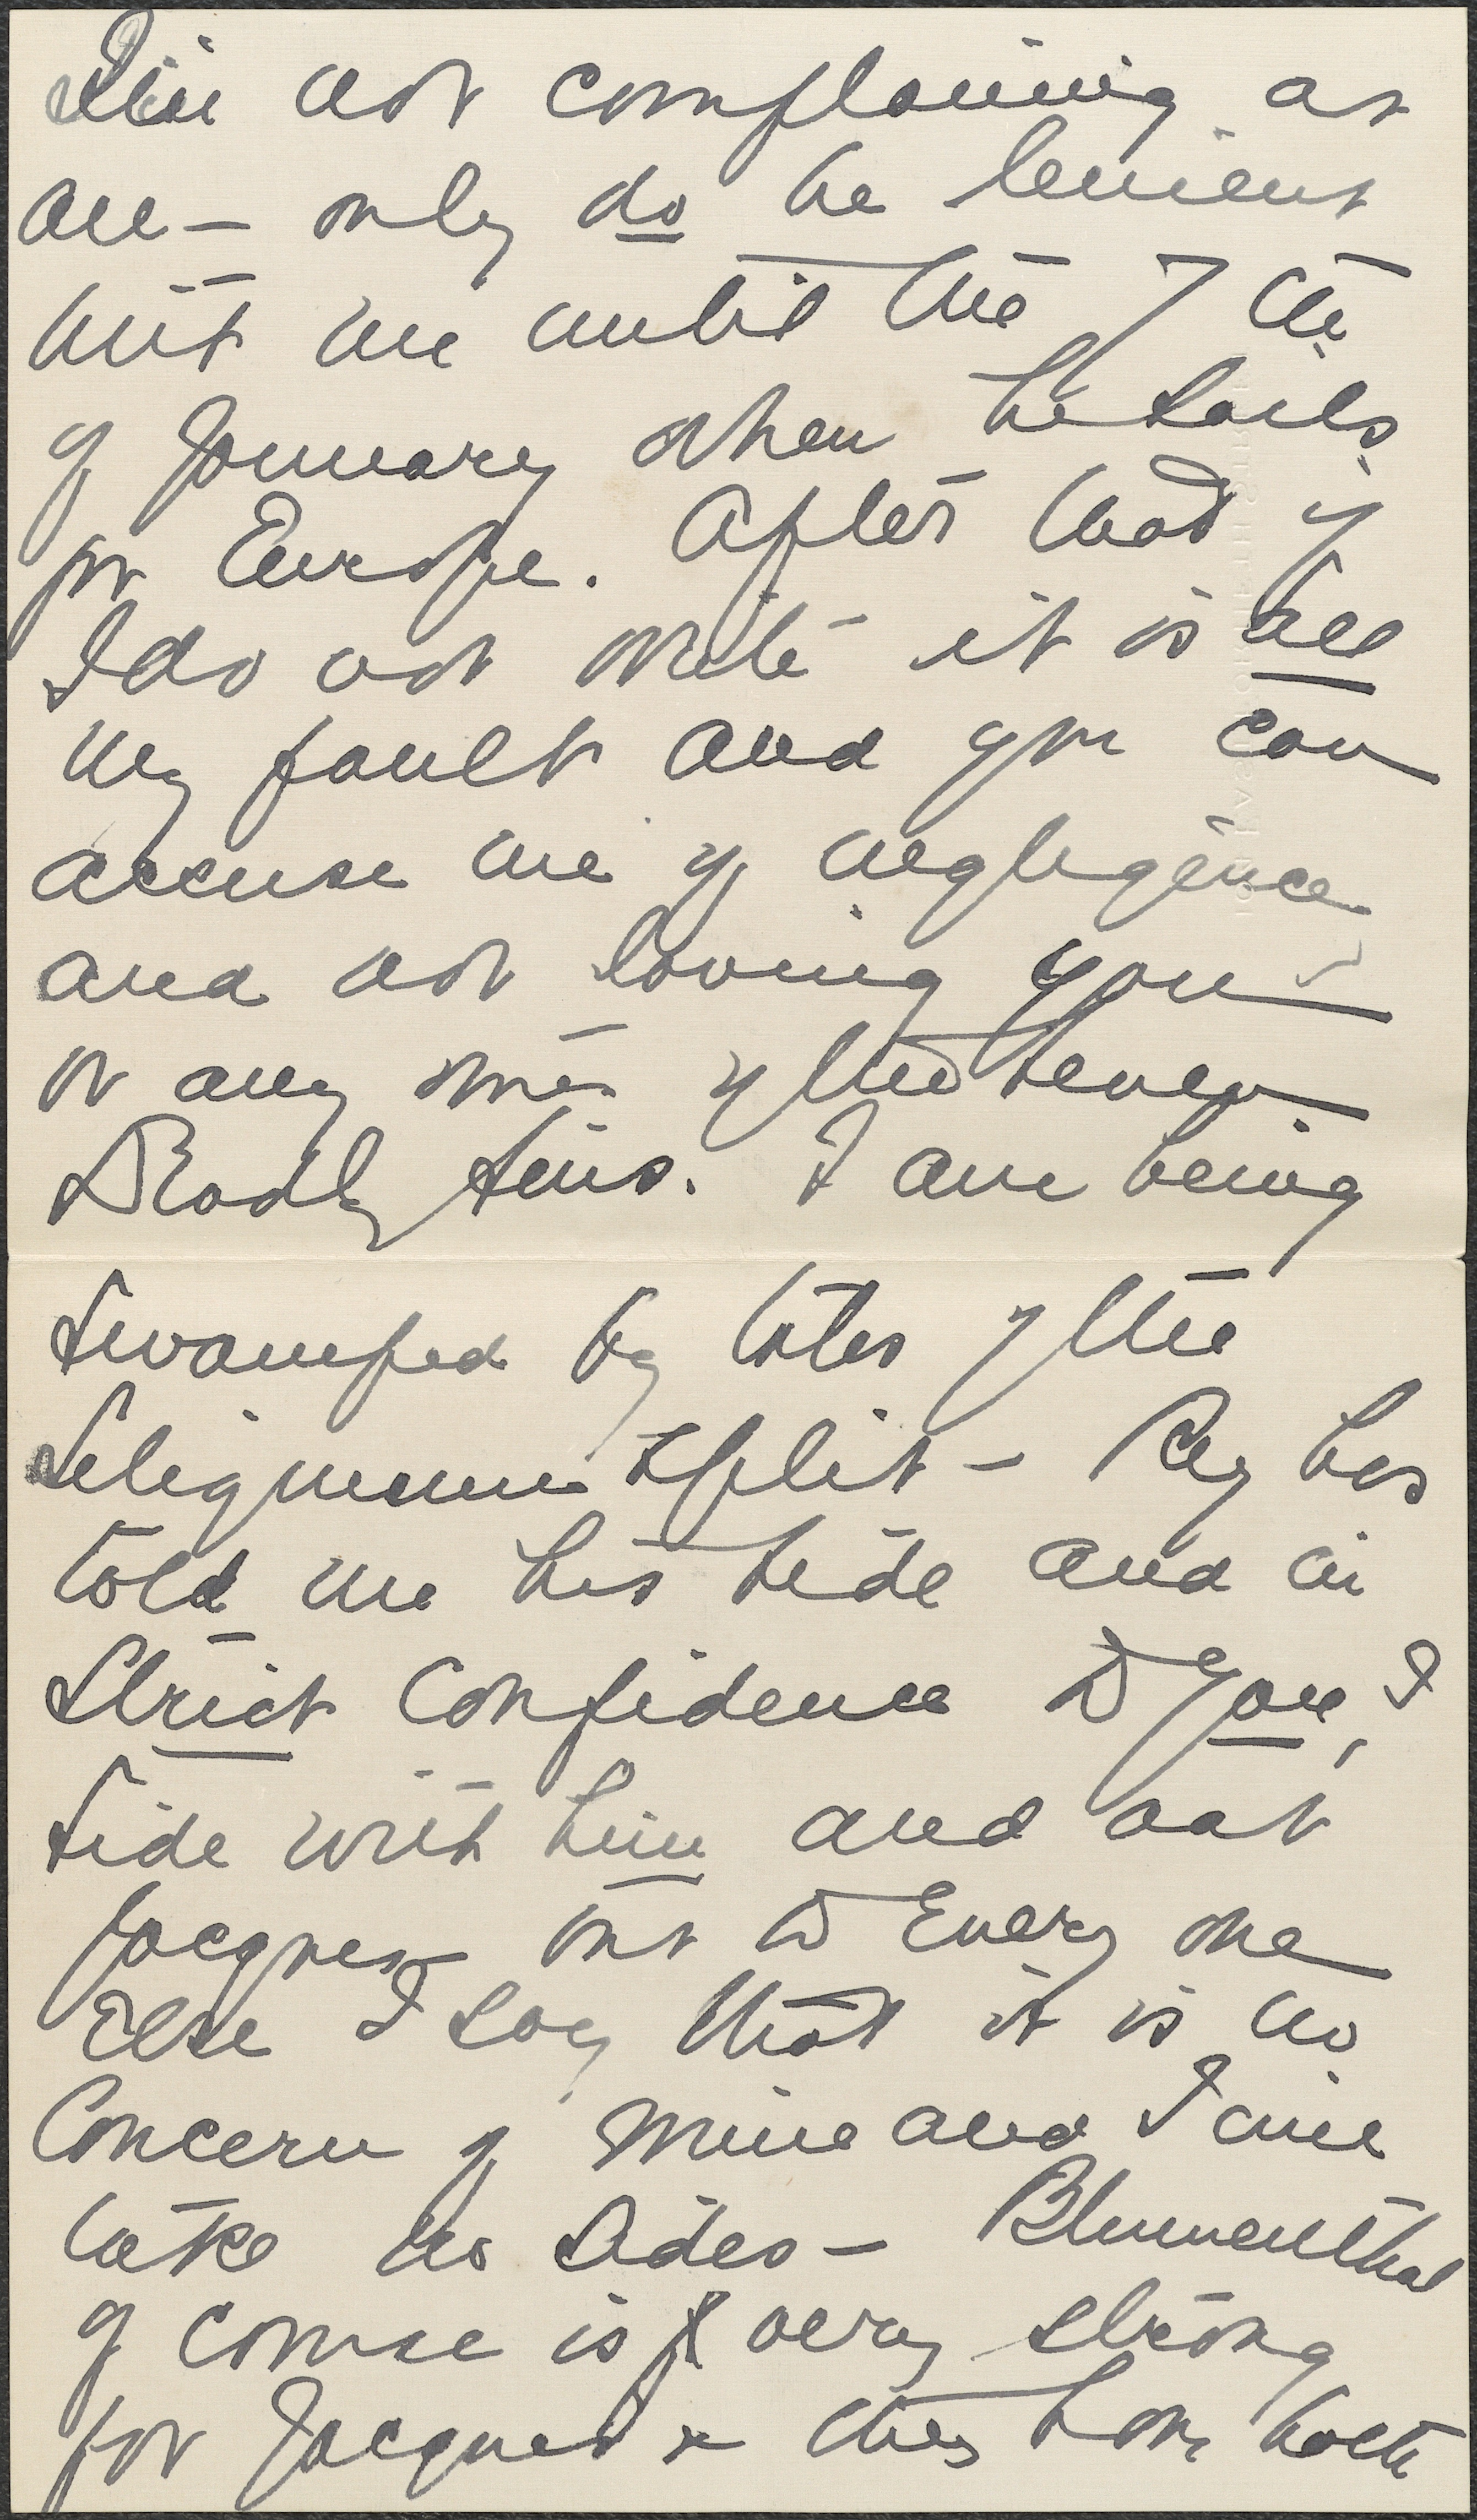I’m not complaining at all – only do be lenient with me until the 7th of January when he sails for Europe. After that if I do not write it is all my fault and you can accuse me of negligence and not loving you or any other of the Seven Deadly Sins. I am being swamped by tales of the Seligmann split – Rey has told me his side and in strict confidence to you, I side with him and not Jacques but to every one else I say that it is no concern of mine and I will take no sides – Blumenthal of course is f very strong for Jacques & they have both